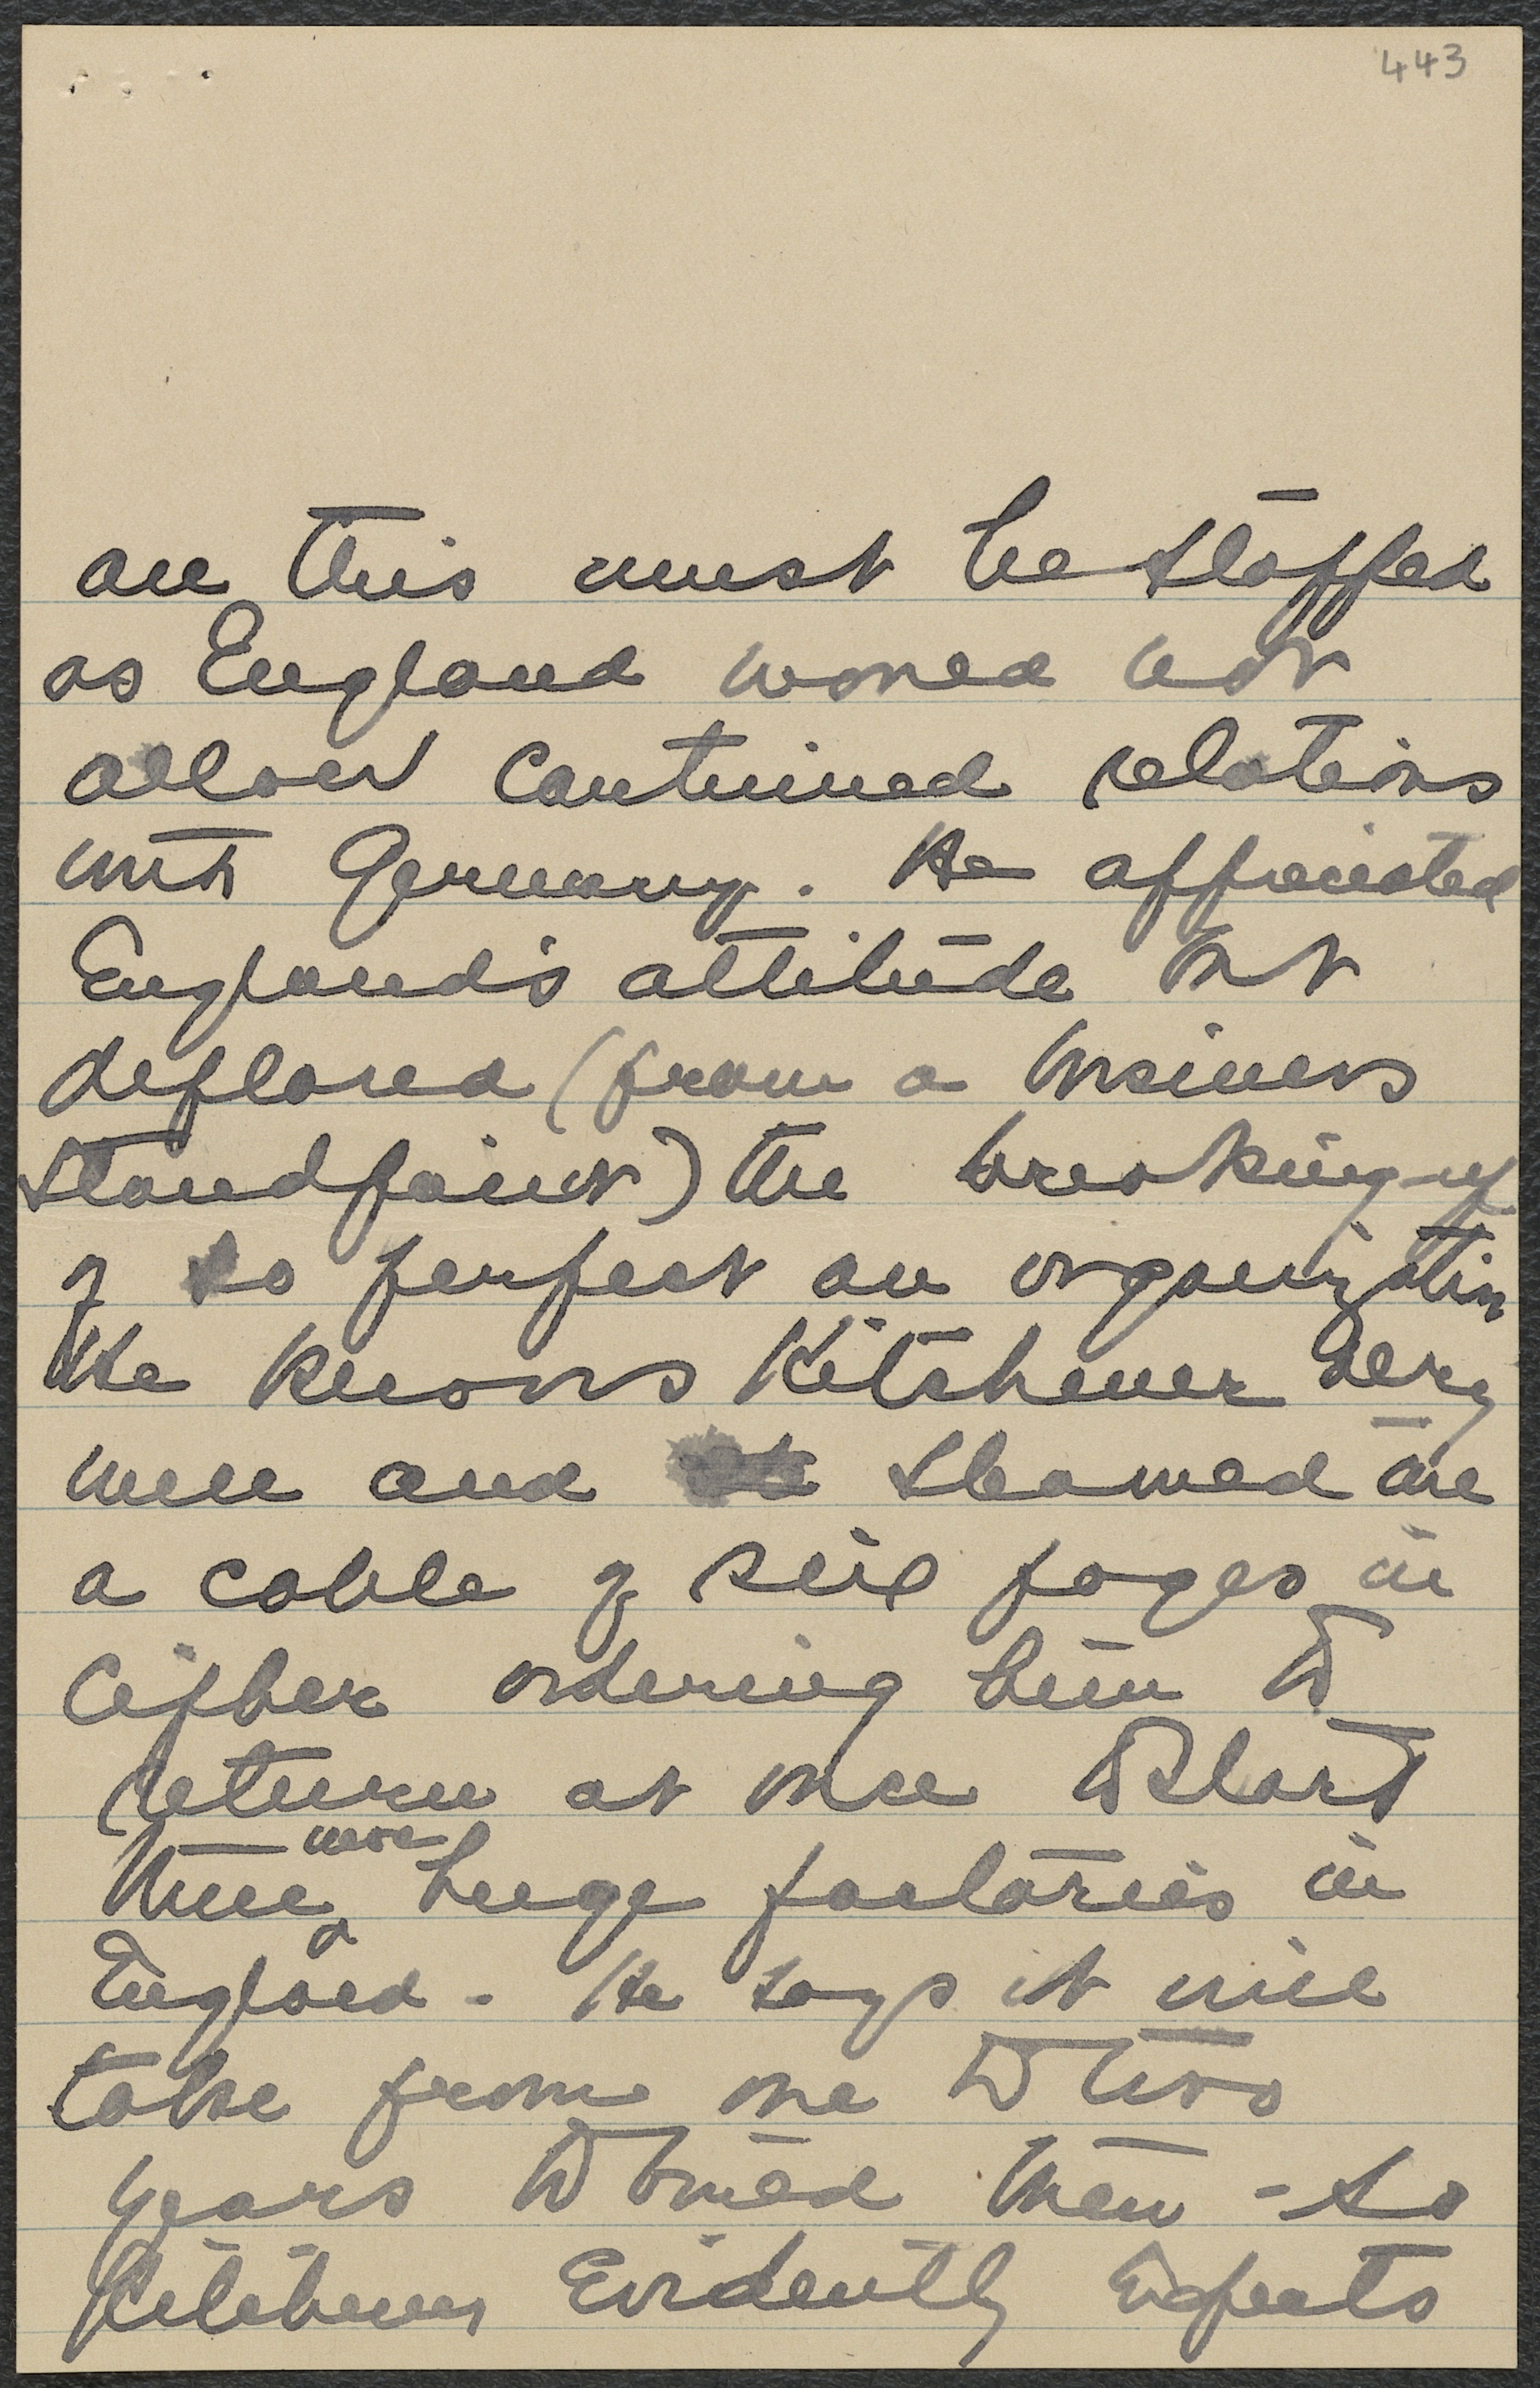all this must be stopped as England would not allow continued relations with Germany. He appreciated England’s attitude but deplored (from a business standpoint) the breaking-up of so perfect an organization he knows Kitsheuer very well and [illegible deletion] showed me a cable of six pages in cipher ordering him to return at once to start three [^more^] huge factories in England – He says it will take from one to two years to build them – so Kitsheuer evidently expects